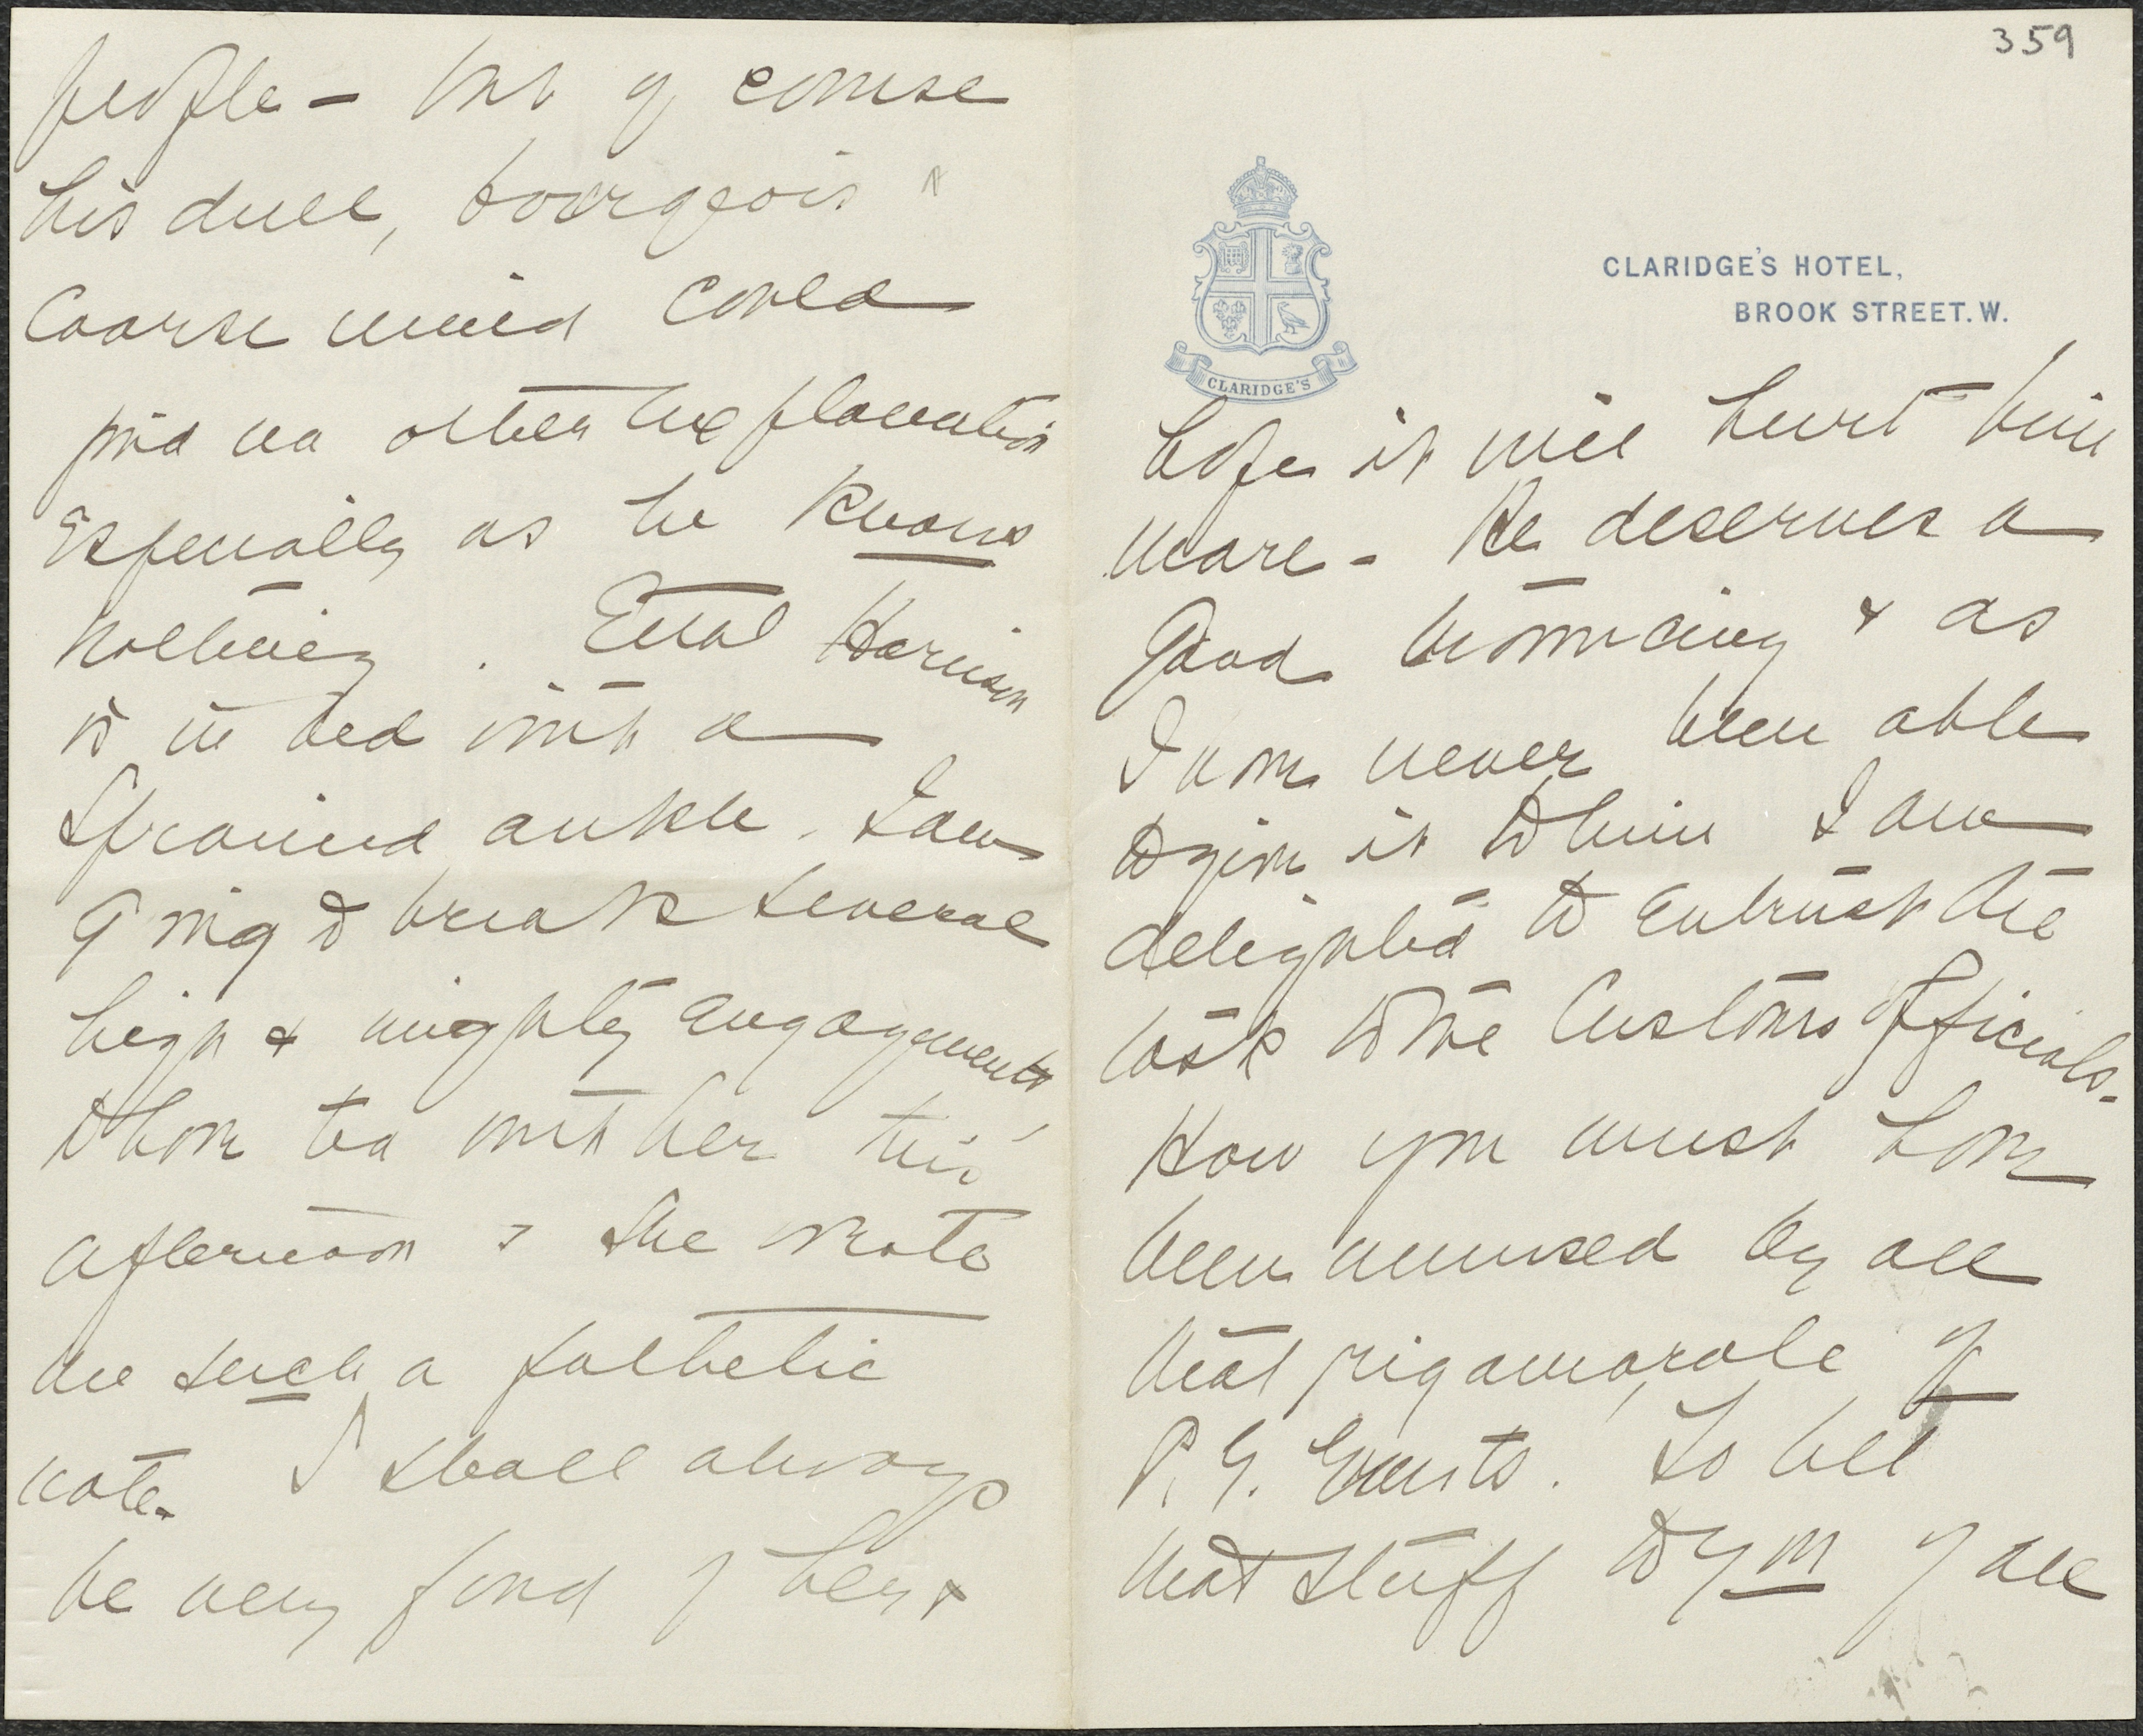hope it will hurt him more – He deserves a good trouncing & as I have never been able to give it to him I am delighted to entrust the task to the Customs officials. How you must have been amused by all that rigamarole of P. G. Grants! To tell that stuff to you of all
people – but of course his dull, bourgeois & coarse mind could find no other explanation especially as he knows nothing. Ethel Harrison is in bed with a sprained ankle. I am going to break several high & mighty engagements to have tea with her this afternoon & she wrote me such a pathetic note. I shall always be very fond of her &